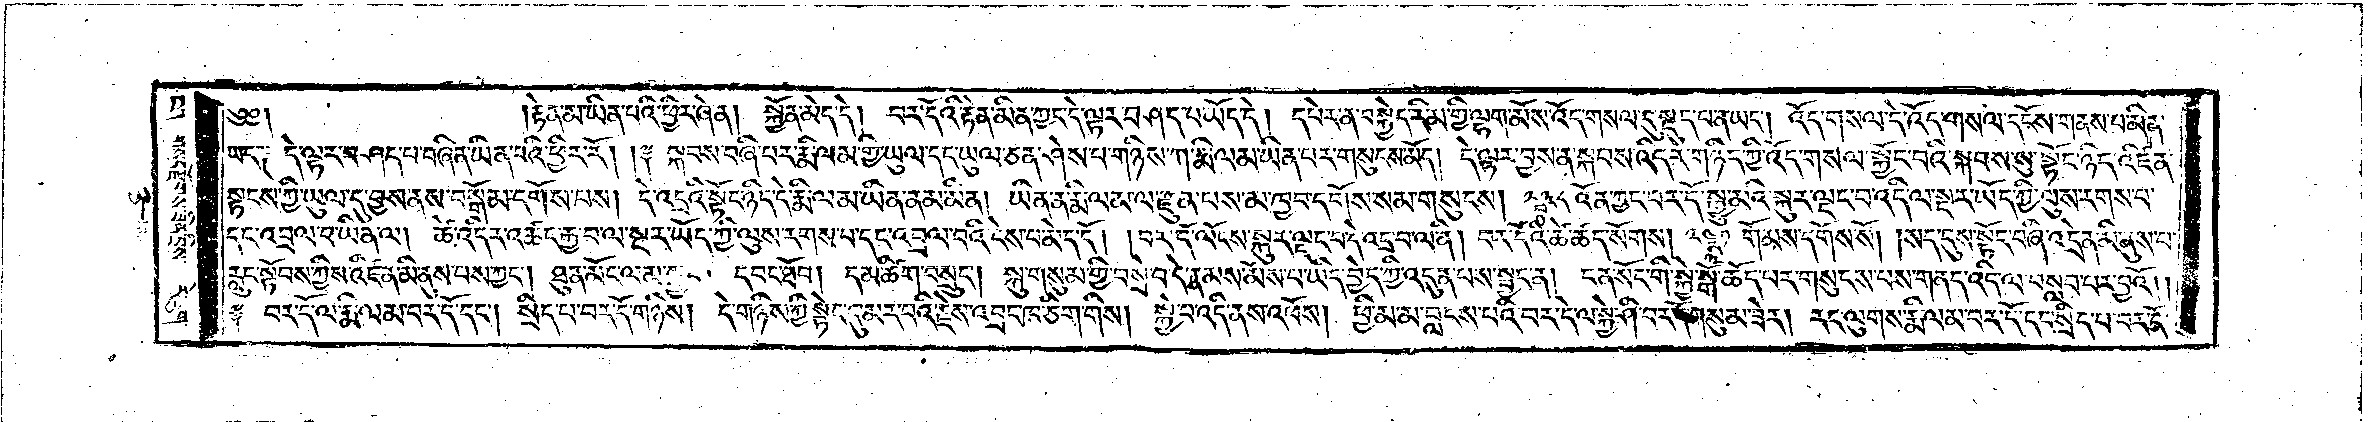༄༅། །རྟེན་མ་ཡིན་པའི་ཕྱིར་ཞེ་ན། སྐྱོན་མེད་དེ། བར་དོའི་རྟེན་མིན་ཀྱང་དེ་ལྟར་བཤད་པ་ཡོད་དེ། དཔེར་ན་བསྐྱེད་རིམ་གྱི་ལྷག་མོས་འོད་གསལ་དུ་སྡུད་པ་ན་ཡང་། འོད་གསལ་དེ་འོད་གསལ་དངོས་གནས་པ་མིན་
ཡང༑ དེ་ལྟར་བཤད་པ་བཞིན་ཡིན་པའི་ཕྱིར་རོ། །༈ སྐབས་བཞི་པར་རྨི་ལམ་གྱི་ཡུལ་དང་ཡུལ་ཅན་ཤེས་པ་གཉིས་ཀ་རྨི་ལམ་ཡིན་པར་གསུངས་མོད། དེ་ལྟར་བྱས་ནས་སྐབས་འདིར་གཉིད་ཀྱི་འོད་གསལ་སྐྱོང་བའི་སྐབས་སུ་སྟོང་ཉིད་འཛིན་
སྟབས་ཀྱི་ཡུལ་དུ་བྱས་ནས་བསྒོམ་དགོས་པས། དེ་འདྲའི་སྟོང་ཉིད་དེ་རྨི་ལམ་ཡིན་ནམ་མིན། ཡིན་ན་རྨི་ལམ་ཀ་རྫུན་པས་མ་ཁྱབ་དགོས་སམ་གསུངས། ༢༣༨བ་འོན་ཀྱང་བར་དོ་སྒྱུ་མའི་སྐུར་ལྡང་བ་འདི་ལ་སྔར་ཡོད་ཀྱི་ལུས་རགས་པ་
དང་འབྲལ་བ་ཡིན་ལ། ཚེ་འདིར་འཚང་རྒྱ་བ་ལ་སྔར་ཡོད་ཀྱི་ལུས་རགས་པ་དང་འབྲལ་བའི་ངེས་པ་མེད་དོ། །བར་དོ་ལོངས་སྐུར་ལྡང་པ་དེ་འདྲ་བ་ལ་ནི། བར་དོའི་ཚེ་ཚད་སོགས། ༢༤༡ན༣་གོམས་དགོས་སོ། །སད་དུས་སྟོང་བཞི་འདྲེན་མི་ནུས་པ་
རླུང་སྟོབས་ཀྱིས་འཛིན་མི་ནུས་པས་ཀྱང་། ཐུན་མོང་ལས་སྦྱང་། དབང་ཐོབ། དམ་ཚིག་བསྲུང་། སྐུ་གསུམ་གྱི་བསྲེ་བ་དེ་རྣམས་མོས་པ་ཡིད་བྱེད་ཀྱི་འདུན་པས་སྦྱང་ན། ངན་སོང་གི་སྐྱེ་སྒོ་ཆོད་པར་གསུངས་པས་གནད་འདི་ལ་བསླབ་པར་བྱའོ། །
༈ བར་དོ་ལ་རྨི་ལམ་དེར་དོ་དང་། སྲིད་པ་བར་དོ་གཉིས། དེ་གཉིས་ཀྱི་སྟེང་དུ་མར་བའི་རྗེས་འབྲང་ཁ་ཅིག་གིས། སྐྱེ་བ་འདི་ནས་འཕོས། ཕྱི་མ་མ་བླངས་པའི་བར་དེ་ལ་སྐྱེ་ཤི་བར་དོ་གསུམ་ཟེར། རང་ལུགས་རྨི་ལམ་བར་དོ་དང་སྲིད་པ་བར་དོ་